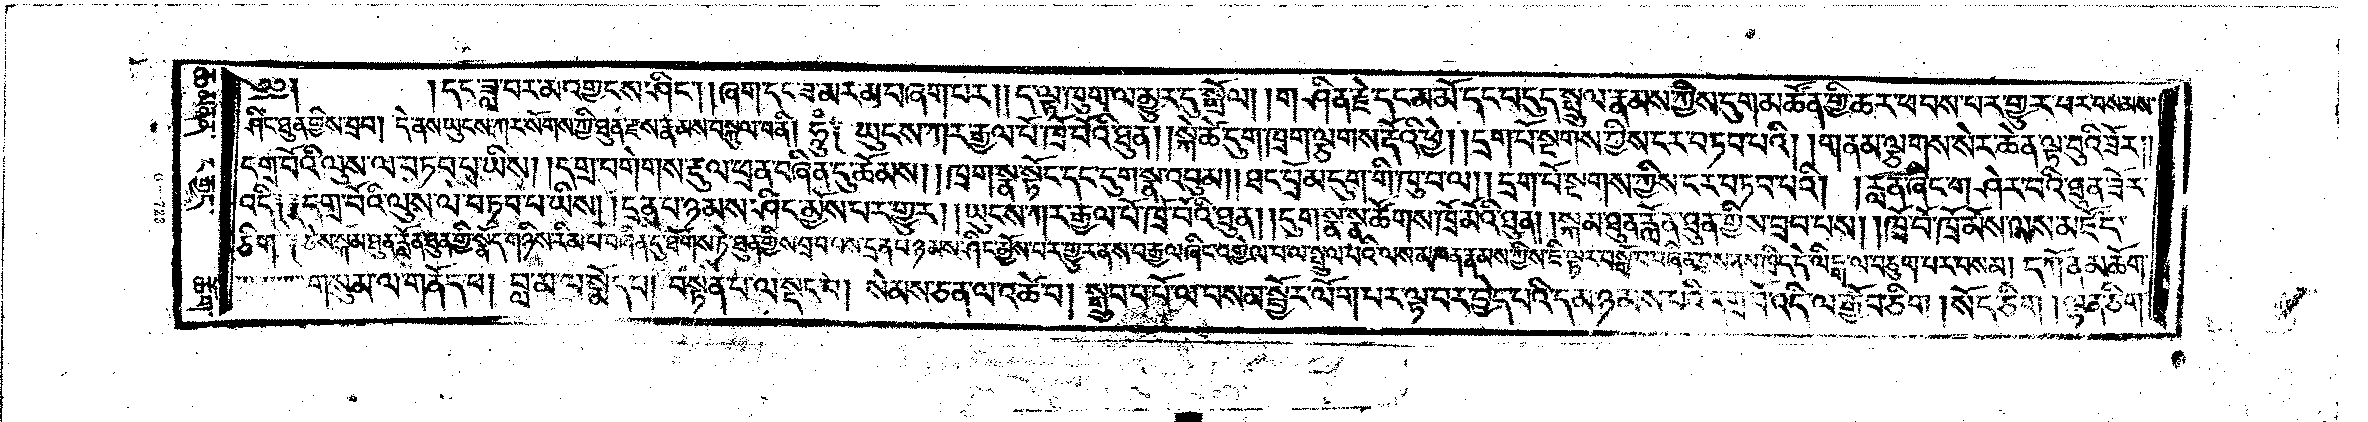༄༅། །དང་ཟླ་བར་མ་འགྱངས་ཤིང་། །ཞག་དང་ཟ་མར་མ་བཞག་པར། །ད་ལྟ་ཁུག་ལ་མྱུར་དུ་སྒྲོལ། །གཤིན་རྗེ་དང་མ་མོ་དང་བདུད་སྤྲུལ་རྣམས་ཀྱིས་དུག་མཚོན་གྱི་ཆར་ཕབས་པར་གྱུར་པར་བསམས་
ཤིང་ཐུན་གྱིས་བྲབ་།དེ་ནས་ཡུངས་ཀར་སོགས་ཀྱི་ཐུན་རྫས་རྣམས་བསྐུལ་བ་ནི། ཧཱུཾ༑ ཡུངས་ཀར་རྒྱལ་པོ་ཁྲོ་བོའི་ཐུན། །སྐེ་ཚེ་དུག་ཁྲག་ལྕགས་རྡོའི་ཕྱེ། །དྲག་པོ་སྔགས་ཀྱིས་ངར་བཏབ་པའི། །གནམ་ལྕགས་སེར་ཆེན་ལྟ་བུའི་ཟོར།
དགྲ་བོའི་ལུས་བཏབ་པ་ཡིས། །དགྲ་བགེགས་རྡུལ་ཕྲན་བཞིན་དུ་ཆོམས། །ཁྲག་སྣ་སྟོང་དང་དུག་སྣ་འབུམ། །ཐང་པྲོམ་དུག་གི་ཁུ་བ་ལ། །དྲག་པོ་སྔགས་ཀྱིས་ངར་བཏབ་པའི། །རླན་ཞིང་གཤེར་བའི་ཐུན་ཟོར་
འདི༑ །དགྲ་བོའི་ལུས་ལ་བཏབ་པ་ཡིས། །དྲན་པ་ཉམས་ཤིང་མྱོས་པར་གྱུར། །ཡུངས་ཀར་རྒྱལ་པོ་ཁྲོ་བོའི་ཐུན། །དུག་སྣ་སྣ་ཚོགས་ཁྲོ་མོའི་ཐུན། །སྐམ་ཐུན་རློན་ཐུན་གྱིས་བྲབ་པས། །ཁྲོ་བོ་ཁྲོ་མོས་ལས་མཛོད་
ཅིག ༑ཅེས་སྐམ་ཐུན་རློན་ཐུན་གྱི་སྣོད་གཉིས་རིམ་པ་བཞིན་དུ་ཐོགས་ཏེ་ཐུན་གྱིས་བྲབ་པས་དྲན་པ་ཉམས་ཤིང་མྱོས་པར་གྱུར་ནས་བརྒྱལ་ཞིང་འགྱེལ་བ་ལ་སྤྲུལ་པའི་ལས་མཁན་རྣམས་ཀྱིས་ཇི་ལྟར་བསྒོ་བ་བཞིན་བྱས་ནས་ཁྲིད་དེ་ལིངྒ་ལ་བཅུག་པར་སམ། །དཀོན་མཆོག་
གསུམ་ལ་གནོད་པ། བླ་མ་ལ་སྨོད་པ། བསྟན་པ་ལ་སྡང་བ། །སེམས་ཅན་ལ་འཚེ་བ། །སྒྲུབ་པ་པོ་ལ་བསམ་སྦྱོར་ལོག་པར་ལྟ་བར་བྱེད་པའི་དམ་ཉམས་པའི་དགྲ་བོ་འདི་ལ་རྒྱོབ་ཅིག །སོད་ཅིག །ལྷན་ཅིག་